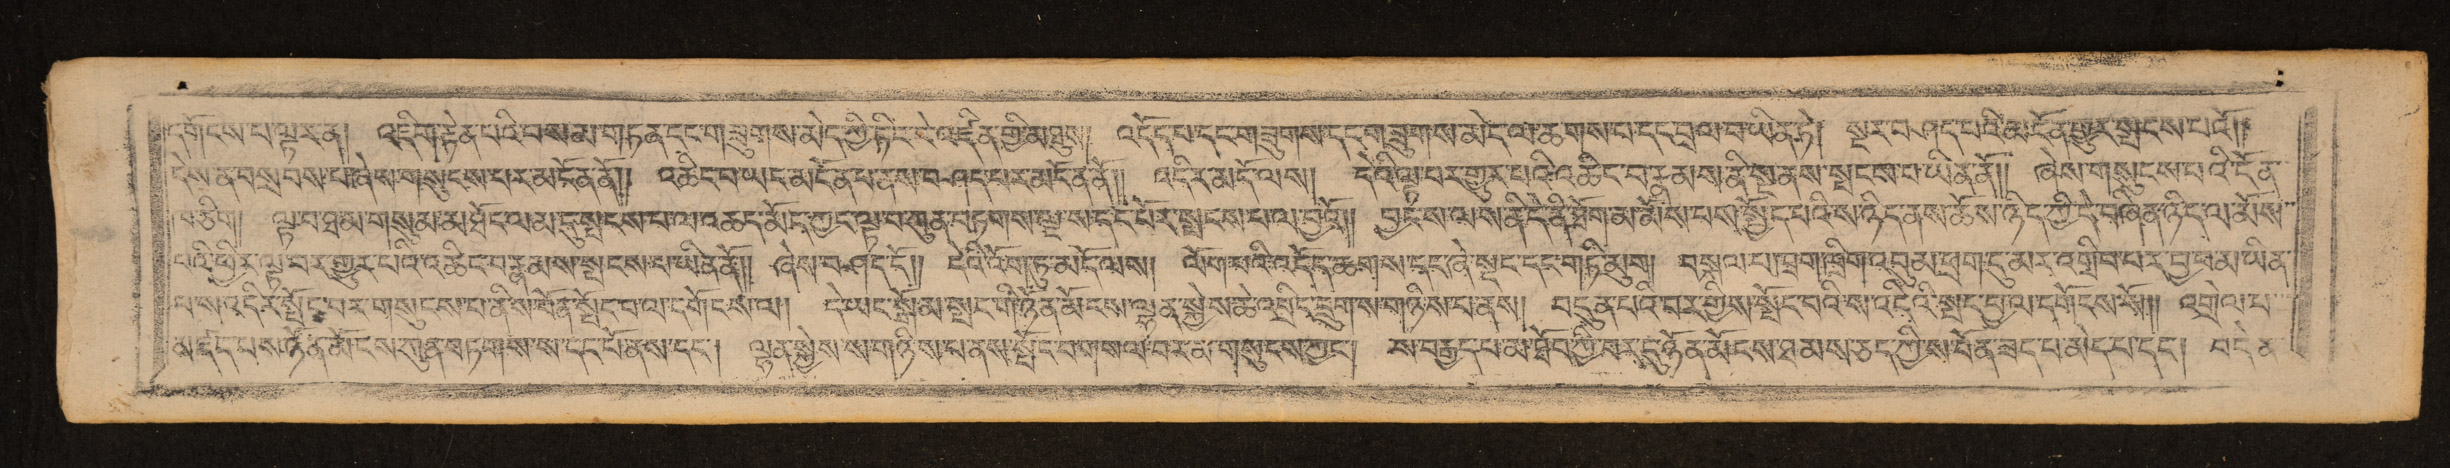དགོངས་པ་ལྟར་ན། འཇིག་རྟེན་པའི་བསམ་གཏན་དང་གཟུགས་མེད་ཀྱི་ཏིང་ངེ་འཛིན་གྱི་མཐུས། འདོད་པ་དང་གཟུགས་དང་གཟུགས་མེད་ལ་ཆགས་པ་དང་བྲལ་བ་ཡིན་ཏེ། སྔར་བཤད་པའི་མངོན་གྱུར་སྤངས་པའོ།།
དེས་ན་བསྲབས་པ་ཞེས་གསུངས་པར་མངོན་ནོ།། འཆིང་བ་ཡང་མངོན་པ་ནས་བཤད་པར་མངོན་ནོ།། འདིར་མདོ་ལས། དེའི་ལྟ་བར་གྱུར་པའི་འཆིང་བ་རྣམས་ནི་སྔ་ནས་སྤངས་པ་ཡིན་ནོ།། ཞེས་གསུངས་པའི་དོན་
ཁ་ཅིག། ལྟ་བ་ཐ་མ་གསུམ་མཐོང་ལམ་དུ་སྤངས་པ་ལ་འཆད་མོད་ཀྱང་ལྟ་བ་ཀུན་བརྟགས་ལྔ་ས་དང་པོར་སྤངས་པ་ལ་བྱའོ།། བྱང་ས་ལས་ནི་དེ་ནི་ཐོག་མ་མེས་པས་སྤྱོད་པའི་ས་ཉིད་ནས་ཆོས་ཉིད་ཀྱི་དེ་བཞིན་ཉིད་ལ་མོས་
པའི་ཕྱིར་ལྟ་བར་གྱུར་པའི་འཆིང་བ་རྣམས་སྤངས་པ་ཡིན་ནོ།། ཞེས་བཤད་དོ།། དེའི་འོག་ཏུ་མདོ་ལས། ལོག་པའི་འདོད་ཆགས་དང་ཞེ་སྡང་དང་གཏི་མུག། བསྐལ་པ་ཁྲག་ཁྲིག་འབུམ་ཕྲག་དུ་མར་འགྲིབ་པར་བྱ་བ་མ་ཡིན་
པ་ས་འདིར་སྤོང་བར་གསུངས་པ་ནི་ས་བོན་སྤོང་བ་ལ་དགོངས་ལ། དེ་ཡང་སྒོམ་སྤང་གི་ཉོན་མོངས་ལྷན་སྐྱེས་ཆེ་འབྲིང་དྲུག་ས་གཉིས་པ་ནས། བདུན་པའི་བར་གྱིས་སྤོང་བའི་ས་འདིའི་སྤང་བྱ་ལ་དགོངས་སོ།། འགྲེལ་པ་
མཛད་པས་ཉོན་མོངས་ཀུན་བརྟགས་ས་དང་པོ་ནས་དང་། ལྷན་སྐྱེས་ས་གཉིས་པ་ནས་སྤོང་བ་གསལ་བར་མ་གསུངས་ཀྱང་། ས་བརྒྱད་པ་མ་ཐོབ་ཀྱི་བར་དུ་ཉོན་མོངས་ཐམས་ཅད་ཀྱི་ས་བོན་ཟད་པ་མེད་པ་དང་། བདེན་